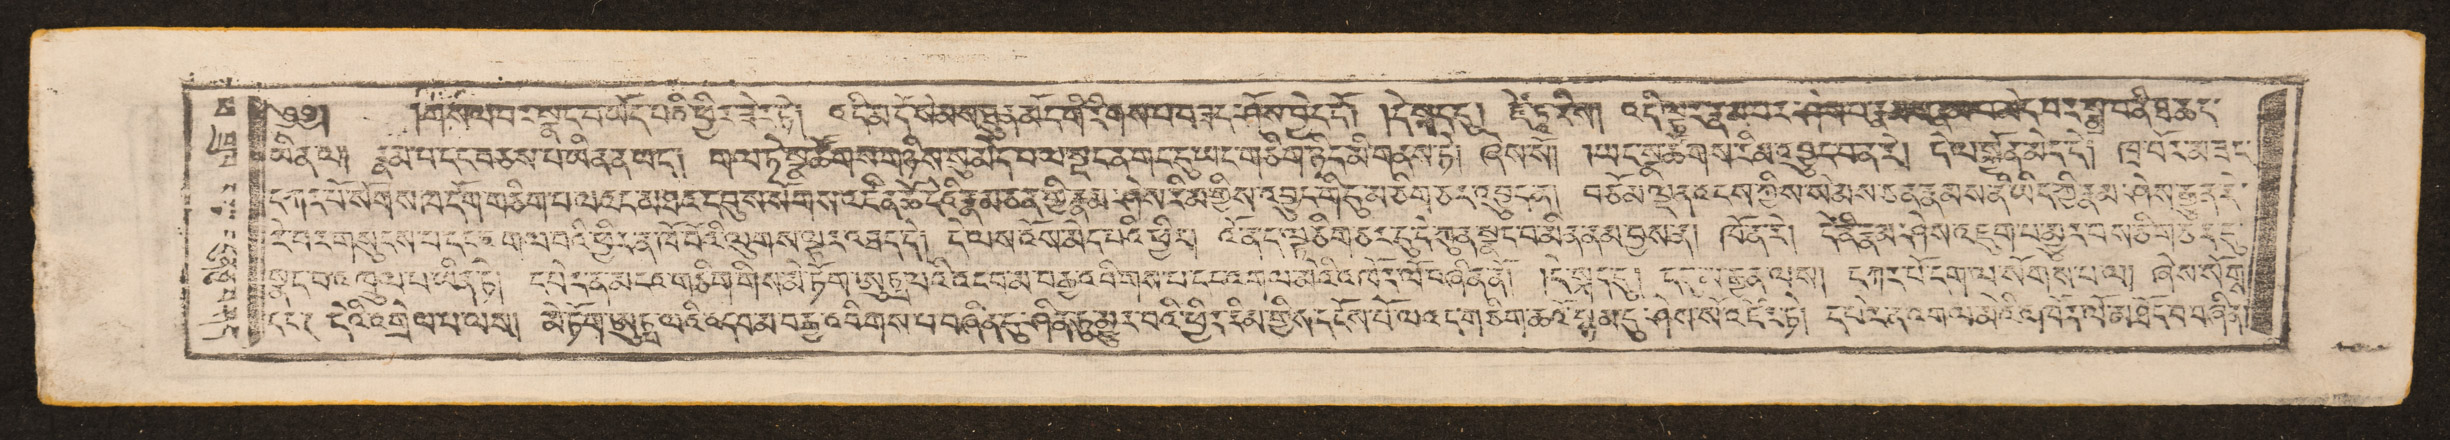༄༅། །གསལ་བར་སྣང་བ་ཡོད་པའི་ཕྱིར་ཟེར་ཏེ། འདི་མདོ་སེམས་ཐུན་མོང་གི་རིགས་པ་བཟང་ཤོས་བྱེད་དོ། །དེ་སྐད་དུ༑ ཛེ་ཏཱ་རིས། འདི་ལྟར་རྣམ་པར་ཤེས་པ་རྣམས་རྣམ་པ་མེད་པར་སྨྲ་བ་ནི་ཐ་ཆད་
ཡིན་ལ། རྣམ་པ་དང་བཅས་པ་ཡིན་ན་ཡང་། གལ་ཏེ་སྣ་ཚོགས་གཉིས་སུ་མེད་པ་ལ་སྡང་ན་གང་དུ་ཡང་གཅིག་ཉིད་མི་གནས་ཏེ། ཞེས་སོ། །ཡང་སྣ་ཚོགས་རིམ་འབྱུང་བ་ན་རེ། དེ་ལ་སྐྱོན་མེད་དེ༑ ཁྲ་བོར་མ་ཟད་
དཀར་པོ་སོགས་ཁ་དོག་གཅིག་པ་ལའང་མཐའ་དབུས་སོགས་འཛིན་ཚེ་དེའི་རྣམ་ཅན་གྱི་རྣམ་ཤེས་རིམ་གྱིས་འབྱུང་གི་དུ་མ་ཅིག་ཅར་འབྱུང་ན། བཅོམ་ལྡན་འདས་ཀྱིས་སེམས་ཅན་རྣམས་ནི་ཡིད་ཀྱི་རྣམ་ཤེས་རྒྱུན་རེ་
རེ་བར་གསུངས་པ་དང་འགལ་བའི་ཕྱིར་ན་ཁོ་བོའི་ལུགས་ལྟར་འཐད་དེ། དེ་ལས་འོས་མེད་པའི་ཕྱིར། འོ་ན་ད་ལྟ་ཅིག་ཅར་དུ་དེ་ཀུན་སྣང་བ་མིན་རྣམ་བྱས་ན། ཁོ་ན་རེ། དེ་ནི་རྣམ་ཤེས་འཇུག་པ་མྱུར་བས་ཅིག་ཅར་དུ་
སྣང་བ་འཁྲུལ་པ་ཡིན་ཏེ། དཔེར་ན་མདའ་གཅིག་གིས་མེ་ཏོག་ཨུཏྤ་ལའི་འདབ་མ་བརྒྱ་འབིགས་པ་དང་འགལ་མེའི་འཁོར་ལོ་བཞིན་ནོ། །དེ་སྐད་དུ། དབུ་མ་རྒྱན་ལས། དཀར་པོ་དགལ་སོགས་པ་ལ། ཞེས་སོགས་
དང༑ དེའི་འགྲེལ་པ་ལས། མེ་ཏོག་ཨུཏྤ་ལའི་འདབ་མ་བརྒྱ་འབིགས་པ་བཞིན་དུ་ཤིན་ཏུ་མྱུར་བའི་ཕྱིར་རིམ་གྱིས་དངོས་པོ་ལའང་གཅིག་ཆའོ་སྙམ་དུ་ཤེས་སོ་འཛེར་ཏེ། དཔེར་ན་འགལ་མེའི་འཁོར་ལོ་མཐོང་བ་བཞིན་